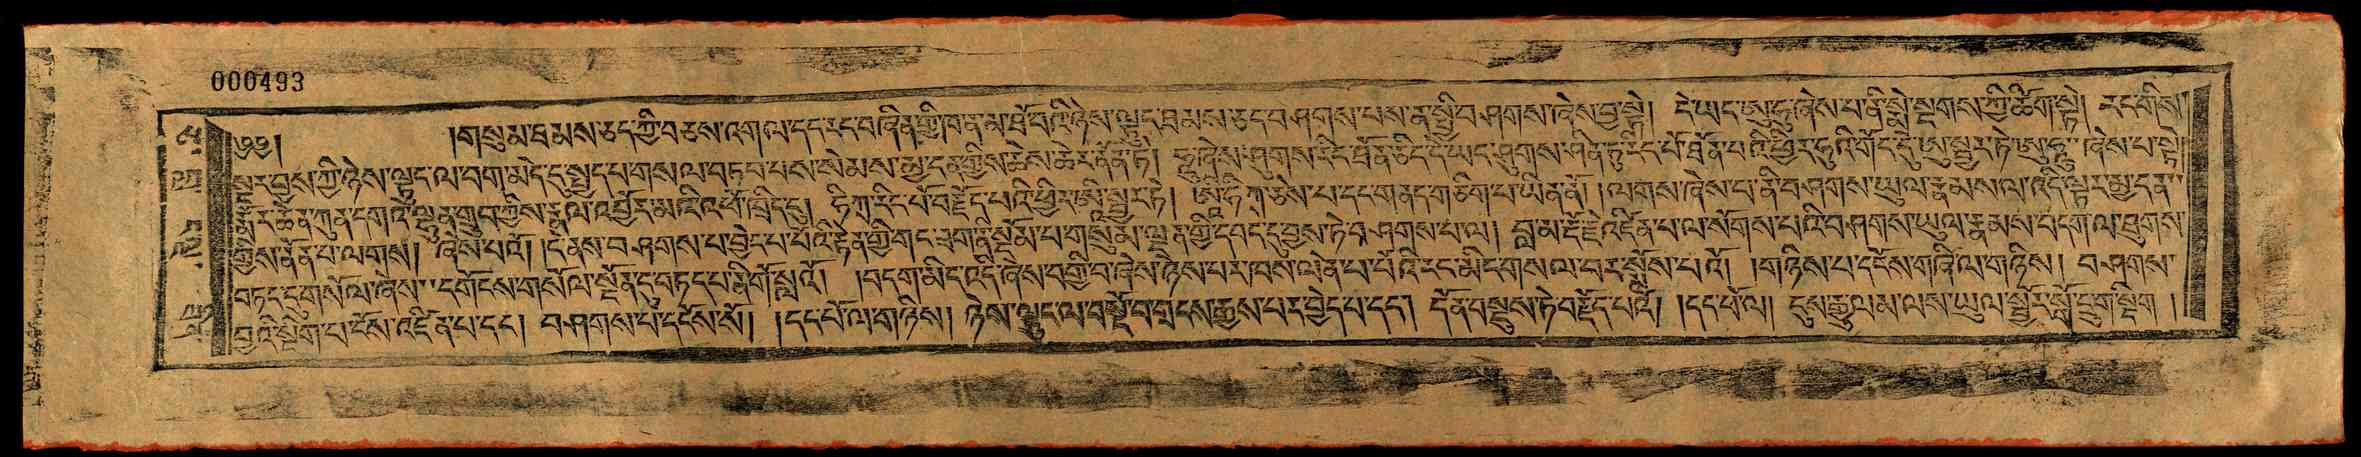༄༅། །གསུམ་ཐམས་ཅད་ཀྱི་བཅས་འགལ་དང་རང་བཞིན་གྱི་ཁ་ན་མ་ཐོ་བའི་ཉེས་ལྟུང་ཐམས་ཅད་བཤགས་པས་ན་སྤྱི་བཤགས་ཞེས་བྱ་སྟེ། དེ་ཡང་ཨུ་ཧུ་ཞེས་པ་ནི་སྨྲེ་སྔགས་ཀྱི་ཚིག་སྟེ། རང་གིས་
སྔར་བྱས་ཀྱི་ཉེས་ལྟུང་ལ་བག་མེད་དུ་སྤྱད་པ་གསལ་བཏབ་པས་སེམས་མྱ་ངན་གྱིས་ཆེས་ཆེར་ནོན་ཏེ། ཧཱུ་ཞེས་ཤུགས་རིང་ཐོན་ཅིང་དེ་ཡང་ཤུགས་ཤིན་ཏུ་རིང་པོ་ཐོན་པའི་ཕྱིར་ཧུའི་གོང་དུ་ཨུ་སྤྱར་ཏེ་ཨུ་ཧཱུ་ཞེས་པ་སྟེ།
རྨོར་ཆེན་ཀུན་དགའ་ལྷུན་གྲུབ་ཀྱིས་རྣལ་འབྱོར་མའི་འཕོ་ཁྲིད་དུ། ཧི་ཀུ་རིང་པོ་བརྗོད་པའི་ཕྱིར་ཨཱི་སྦྱར་ཏེ། ཨི་ཧི་ཀ་ཅེས་པ་དང་གནད་གཅིག་པ་ཡིན་ནོ། །ལགས་ཞེས་པ་ནི་བཤགས་ཡུལ་རྣམས་ལ་འདི་ལྟར་མྱ་ངན་
གྱིས་ནོན་པ་ལགས། ཞེས་པའོ། །དེ་ནས་བཤགས་པ་བྱེད་པ་པའི་རྟེན་གྱི་གང་ཟག་ནི་སྡོམ་པ་གསུམ་ལྡན་གྱི་དབང་དུ་བྱས་ཏེ་བཤགས་པ་ལ། བླ་མ་རྡོ་རྗེ་འཛིན་པ་ལ་སོགས་པའི་བཤགས་ཡུལ་རྣམས་བདག་ལ་ཐུགས་
གཏད་དུ་གསོལ་ཞེས་དགོངས་གསོལ་སྔོན་དུ་བཏང་བ་ནི་གོ་སླའོ། །བདག་མིང་འདི་ཞེས་བགྱི་བ་ཞེས་ཉེས་པར་ཁས་ལེན་པ་པོའི་རང་མིང་གསལ་བར་སྨོས་པའོ། །གཉིས་པ་དངོས་གཞི་ལ་གཉིས། བཤགས་
བྱའི་སྡིག་པ་ངོས་འཛིན་པ་དང་། བཤགས་པ་དངོས་སོ། །དང་པོ་ལ་གཉིས། ཉེས་ལྟུང་ལ་བསྔོ་བགྲངས་རྒྱས་པར་བྱེད་པ་དང་། དོན་བསྡུས་ཏེ་བརྗོད་པའོ། །དང་པོ་ལ། དུས་རྒྱུ་ལམ་ལས་ཡུལ་སྦྱོར་སྒོ་དྲུག་སྡིག །